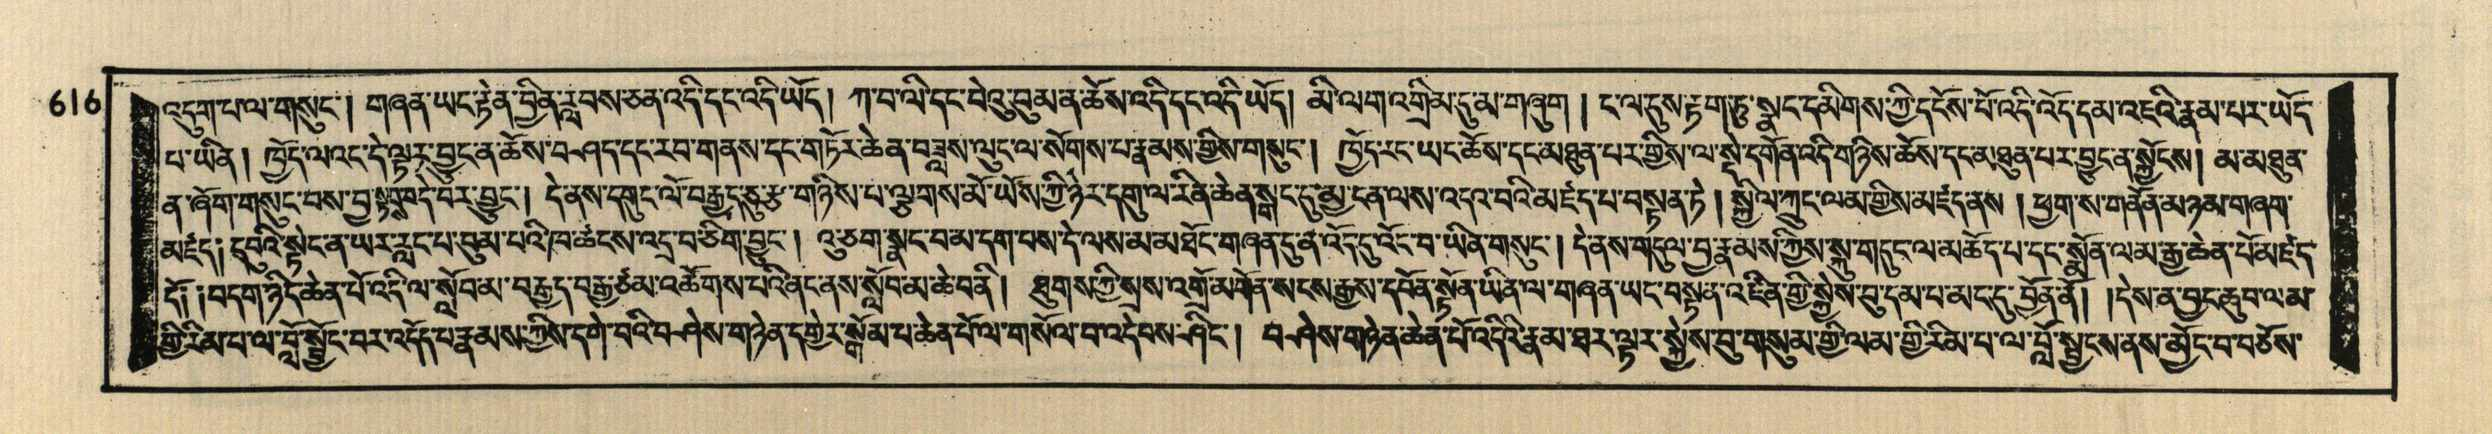འདུག་པ་ལ་གསུང་། གཞན་ཡང་རྟེན་བྱིན་རླབས་ཅན་འདི་དང་འདི་ཡོད། ཀ་བ་ལི་དང་བེའུ་བུམ་ན་ཆོས་འདི་དང་འདི་ཡོད། མི་ལག་འགྲིམ་དུ་མ་གཞུག །ང་ལ་དུས་རྟག་ཏུ་སྣང་དམིགས་ཀྱི་དངོས་པོ་འདི་འོད་དམ་འཇའི་རྣམ་པར་ཡོད་
པ་ཡིན། ཁྱོད་ལའང་དེ་ལྟར་བྱུང་ན་ཆོས་བཤད་དང་རབ་གནས་དང་གཏོར་ཆེན་བཟླས་ལུང་ལ་སོགས་པ་རྣམས་གྱིས་གསུང་། ཁྱོད་རང་ཡང་ཆོས་དང་མཐུན་པར་གྱིས་ལ་སྡེ་དགོན་འདི་གཉིས་ཆོས་དང་མཐུན་པར་བྱུང་ན་སྐྱོངས། མ་མཐུན་
ན་ཞོག་གསུང་བས་བྱ་སྟབས་བདེ་བར་བྱུང་། དེ་ནས་དགུང་ལོ་བརྒྱད་ཅུ་རྩ་གཉིས་པ་ལྕགས་མོ་ཡོས་ཀྱི་ཉེར་དགུ་ལ་རིན་ཆེན་སྒང་དུ་མྱ་ངན་ལས་འདའ་བའི་མཛད་པ་བསྟན་ཏེ། སྐྱིལ་ཀྲུང་ལམ་གྱིས་མཛད་ནས། ཕྱག་ས་གནོན་མཉམ་གཞག་
མཛད༑ དབུའི་སྟེང་ན་ཡར་རླང་པ་བུམ་པའི་ཁ་ཚངས་འདྲ་བ་ཅིག་བྱུང་། འུ་ཅག་སྣང་བ་མ་དག་པས་དེ་ལས་མ་མཐོང་གཞན་དུ་ན་འོད་དུ་འོང་བ་ཡིན་གསུང་།དེ་ནས་གདུལ་བྱ་རྣམས་ཀྱིས་སྐུ་གདུང་ལ་མཆོད་པ་དང་སྨོན་ལམ་རྒྱ་ཆེན་པོ་མཛད་
དོ༑ ༑བདག་ཉིད་ཆེན་པོ་འདི་ལ་སློབ་མ་བརྒྱད་བརྒྱ་ཙམ་འཚོགས་པའི་ནང་ནས་སློབ་མ་ཆེ་བ་ནི། ཐུགས་ཀྱི་སྲས་འགྲོ་མགོན་སངས་རྒྱས་དབོན་སྟོན་ཡིན་ལ་གཞན་ཡང་བསྟན་འཛིན་གྱི་སྐྱེས་བུ་དམ་པ་མང་དུ་བྱོན་ནོ། །དེས་ན་བྱང་ཆུབ་ལམ་
གྱི་རིམ་པ་ལ་བློ་སྦྱོང་བར་འདོད་པ་རྣམས་ཀྱིས་དགེ་བའི་བཤེས་གཉེན་དགྱེར་སྒོམ་པ་ཆེན་པོ་ལ་གསོལ་བ་འདེབས་ཤིང་། བཤེས་གཉེན་ཆེན་པོ་འདིའི་རྣམ་ཐར་ལྟར་སྐྱེས་བུ་གསུམ་གྱི་ལམ་གྱི་རིམ་པ་ལ་བློ་སྦྱངས་ནས་མྱོང་བ་བཅོས་